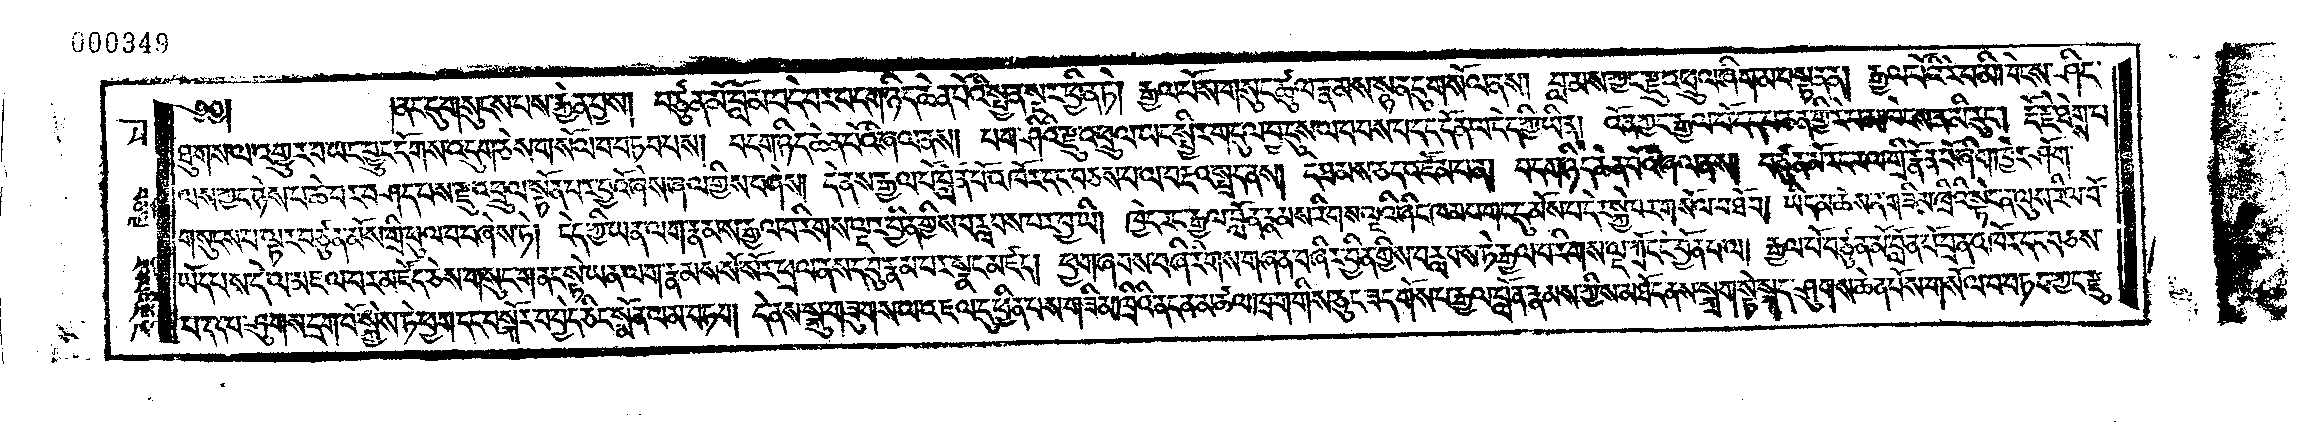༄༅། །ནང་དུ་གསུངས་པས་རྐྱེན་བྱས། བཙུན་མོ་བློ་མ་བདེ་བར་བདག་ཉིད་ཆེན་པོའི་སྤྱན་སྔར་ཕྱིན་ཏེ། རྒྱལ་པོས་གསུང་ཚུལ་རྣམས་སྙན་དུ་གསོལ་ནས། བླ་མས་ཀྱང་རྫུ་འཕྲུལ་ཞིག་མ་བསྟན་ན། རྒྱལ་པོའི་རེ་བ་མི་ཁེངས་ཤིང་
ཐུགས་ལ་འགྱུར་བ་ཡང་བྱུང་དགོས་འདུག་ཅེས་གསོལ་བ་བཏབ་པས། བདག་ཉིད་ཆེན་པོའི་ཞལ་ནས། པག་ཤིའི་རྫུ་འཕྲུལ་ཡང་སྤྱིར་གདུལ་བྱ་དུས་ལ་བབས་པ་དང་དོན་ལ་ངེད་ཀྱི་ཡིན། འོན་ཀྱང་རྒྱལ་པོ་དད་པ་ཅན་གྱི་རེ་བ་མ་ཁེངས་ན་མི་རུང་། རྡོ་རྗེ་ཐེགས་པ་
ལས་ཀྱང་ཉེས་པ་ཆེ་བར་བཤད་པས་རྫུ་འཕྲུལ་སྟོན་པར་བྱའོ་ཞེས་ཞལ་གྱིས་བཞེས། དེ་ནས་རྒྱལ་པོ་བློན་པོ་འཁོར་དང་བཅས་པ་ལ་བརྡའ་སྤྲད་ནས། དེ་ཐམས་ཅད་འཛོམ་པ་ནི། བདག་ཉིད་ཆེན་པོའི་ཞལ་ནས། བཙུན་མོ་རང་རལ་གྲི་རྣོན་པོ་ཞིག་ཁྱེར་ཤོག་
གསུངས་པ་ལྟར་བཙུན་མོས་གྲི་ཕུལ་བ་བཞེས་ཏེ། ངེད་ཀྱི་ཡན་ལག་རྣམས་རྒྱལ་བ་རིགས་ལྔར་བྱིན་གྱིས་བརླབས་པར་བྱ་ཡི། ཁྱེད་རང་རྒྱལ་བློན་རྣམས་རིགས་ལྔའི་ཞིང་ཁམས་གང་དུ་མོས་པ་དེར་སྐྱེ་པར་གསོལ་བ་ཐོབ། ཡིད་མ་ཆེས་ན་གཟིམ་ཁྲིའི་སྟེང་ན་ལུས་རིལ་བོ་
ཡོད་པས་དེ་ལ་མཇལ་བར་མཛོད་ཅེས་གསུང་གནང་སྟེ་ཡན་ལག་རྣམས་སོ་སོར་ཕྲལ་ནས་དབུ་རྣམ་པར་སྣང་མཛད། ཕྱག་ཞབས་བཞི་རིགས་གཞན་བཞིར་བྱིན་གྱིས་བརླབས་ཏེ་རྒྱལ་བ་རིགས་ལྔ་ཀྲོང་དེ་བྱོན་པ་ལ། རྒྱལ་པོ་བཙུན་མོ་བློན་པོ་བྲན་འཁོར་དང་བཅས་
པ་དང་པ་ཤུགས་དྲག་པོ་སྐྱེས་ཏེ་ཕྱག་དང་བསྐོར་བ་བྱེད་ཅིང་སྨོན་ལམ་བཏབ། དེ་ནས་སྐུ་གཟུགས་ལ་འཇལ་དུ་ཕྱིན་པས་གཟིམ་ཁྲིའི་ནང་ན་མ་ཚལ་ཁྲག་གིས་ཅུང་ཟད་གོས་པ་རྒྱལ་བློན་རྣམས་ཀྱིས་མཐོང་ནས་སྐྲག་སྟེ་སྐད་ཤུགས་ཆེན་པོས་གསོལ་བ་བཏབ་ཀྱང་རྫུ་